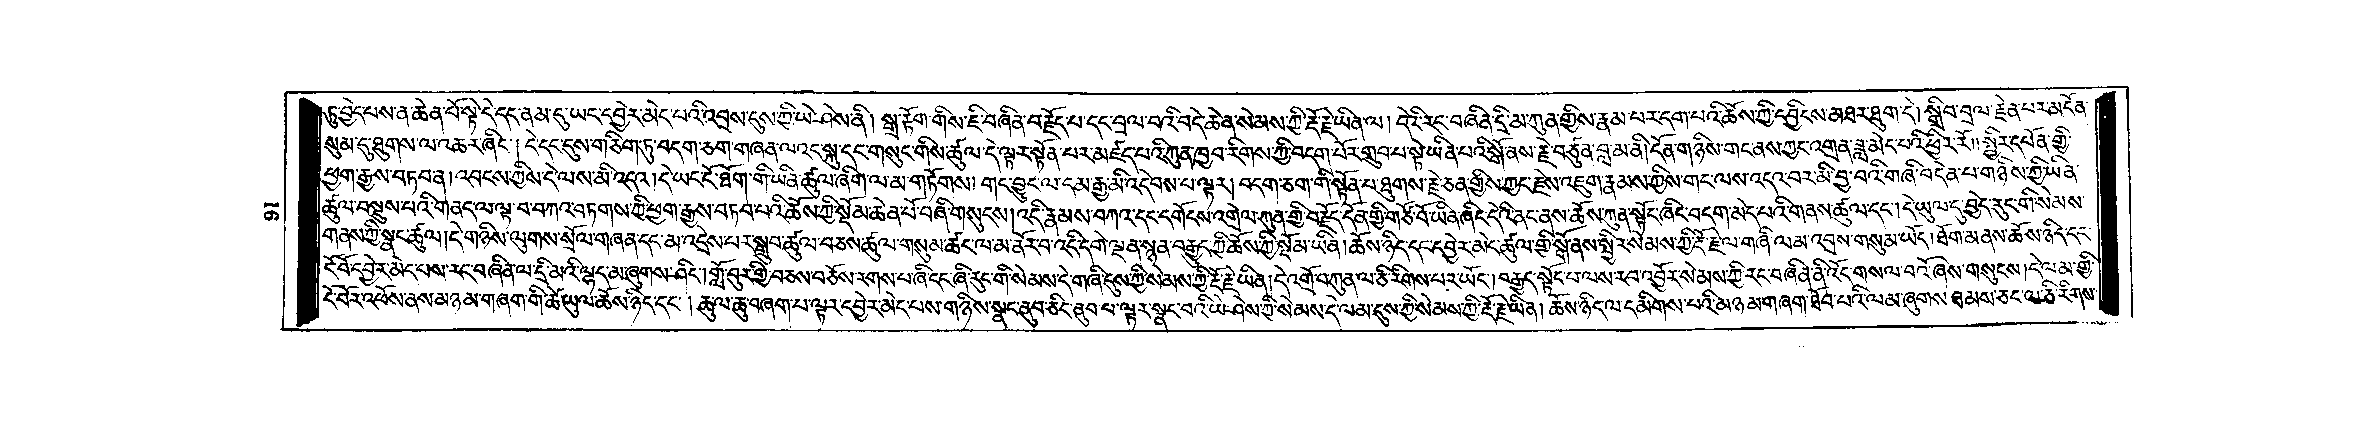ཏུ་བྱེད་པས་ན་ཆེན་པོ་སྟེ་དེ་དང་ནམ་དུ་ཡང་དབྱེར་མེད་པའི་འབྲས་དུས་ཀྱི་ཡེ་ཤེས་ནི། སྒྲ་རྟོག་གིས་ཇི་བཞིན་བརྗོད་པ་དང་བྲལ་བའི་བདེ་ཆེན་སེམས་ཀྱི་རྡོ་རྗེ་ཡིན་ལ། དེའི་རང་བཞིན་དྲི་མ་ཀུན་གྱིས་རྣམ་པར་དག་པའི་ཆོས་ཀྱི་དབྱིངས་མཐར་ཐུག་དེ། སྒྲིབ་བྲལ་རྗེན་པར་མངོན་
སུམ་དུ་ཐུགས་ལ་འཆར་ཞིང་། དེ་དང་དུས་གཅིག་ཏུ་བདག་ཅག་གཞན་ལའང་སྐུ་དང་གསུང་གིས་ཚུལ་དེ་ལྟར་སྟོན་པར་མཛད་པའི་ཀུན་ཁྱབ་རིགས་ཀྱི་བདག་པོར་གྲུབ་པ་སྟེ་ཡིན་པའི་སྒོ་ནས་རྗེ་བཙུན་བླ་མ་ནི། དོན་གཉིས་གང་ནས་ཀྱང་འགྲན་ཟླ་མེད་པའི་ཕྱིར་རོ། །སྤྱིར་དཔོན་གྱི་
ཕྱག་རྒྱས་བཏབ་ན། འབངས་ཀྱིས་དེ་ལས་མི་འདའ། དེ་ཡང་ངོ་ཐོག་གི་ཡིན་ཚུལ་ཞིག་ལ་མ་གཏོགས། གང་བྱུང་ལ་དམ་རྒྱ་མི་འདེབས་པ་ལྟར། བདག་ཅག་གི་སྟོན་པ་ཐུགས་རྗེ་ཅན་གྱིས་ཀྱང་རྗེས་འཇུག་རྣམས་ཀྱིས་གང་ལས་འདའ་བར་མི་བྱ་བའི་གཞི་བདེན་པ་གཉིས་ཀྱི་ཡིན་
ཚུལ་བསྡུས་པའི་གནད་ལ་ལྟ་བ་བཀའ་བཏགས་ཀྱི་ཕྱག་རྒྱས་བཏབ་པའི་ཆོས་ཀྱི་སྡོམ་ཆེན་པོ་བཞི་གསུངས། འདི་རྣམས་བཀའ་དང་དགོངས་འགྲེལ་ཀུན་གྱི་བརྗོད་དོན་གྱི་གཙོ་བོ་ཡིན་ཞིང་དེའི་ནང་ནས་ཆོས་ཀུན་སྟོང་ཞིང་བདག་མེད་པའི་གནས་ཚུལ་དང་། དེ་ཡུལ་དུ་བྱེད་རུང་གི་སེམས་
གནས་ཀྱི་སྣང་ཚུལ། དེ་གཉིས་ལུགས་སྲོལ་གཞན་དང་མ་འདྲེས་པར་སྒྲུབ་ཚུལ་བཅས་ཚུལ་གསུམ་ཚང་ལ་མ་ནོར་བ་འདི་དགེ་ལྡན་སྙན་བརྒྱུད་ཀྱི་ཆོས་ཀྱི་སྡོམ་ཡིན། ཆོས་ཉིད་དང་དབྱེར་མེད་ཚུལ་གྱི་སྒོ་ནས་སྤྱིར་སེམས་ཀྱི་རྡོ་རྗེ་ལ་གཞི་ལམ་འབྲས་གསུམ་ཡོད། ཐོག་མ་ནས་ཆོས་ཉིད་དང་
ངོ་བོ་དབྱེར་མེད་པས་རང་བཞིན་ལ་དྲི་མའི་ལྷད་མ་ཞུགས་ཤིང་། གློ་བུར་གྱི་བཅས་བཅོས་རགས་པ་ཞི་དང་ཞི་རུང་གི་སེམས་དེ་གཞི་དུས་ཀྱི་སེམས་ཀྱི་རྡོ་རྗེ་ཡིན། དེ་འགྲོ་བ་ཀུན་ལ་ཅི་རིགས་པར་ཡོད། བརྒྱད་སྟོང་པ་ལས་རབ་འབྱོར་སེམས་ཀྱི་རང་བཞིན་ནི་འོད་གསལ་བའོ་ཞེས་གསུངས། དེ་ལམ་གྱི་
ངོ་བོར་འཕོས་ནས་མཉམ་གཞག་གི་ཚེ་ཡུལ་ཆོས་ཉིད་དང་། ཆུ་ལ་ཆུ་བཞག་པ་ལྟར་དབྱེར་མེད་པས་གཉིས་སྣང་ནུབ་ཅིང་ནུབ་པ་ལྟར་སྣང་བའི་ཡེ་ཤེས་ཀྱི་སེམས་དེ་ལམ་དུས་ཀྱི་སེམས་ཀྱི་རྡོ་རྗེ་ཡིན། ཆོས་ཉིད་ལ་དམིགས་པའི་མཉམ་གཞག་ཐོབ་པའི་ལམ་ཞུགས་ཐམས་ཅད་ལ་ཅི་རིགས་